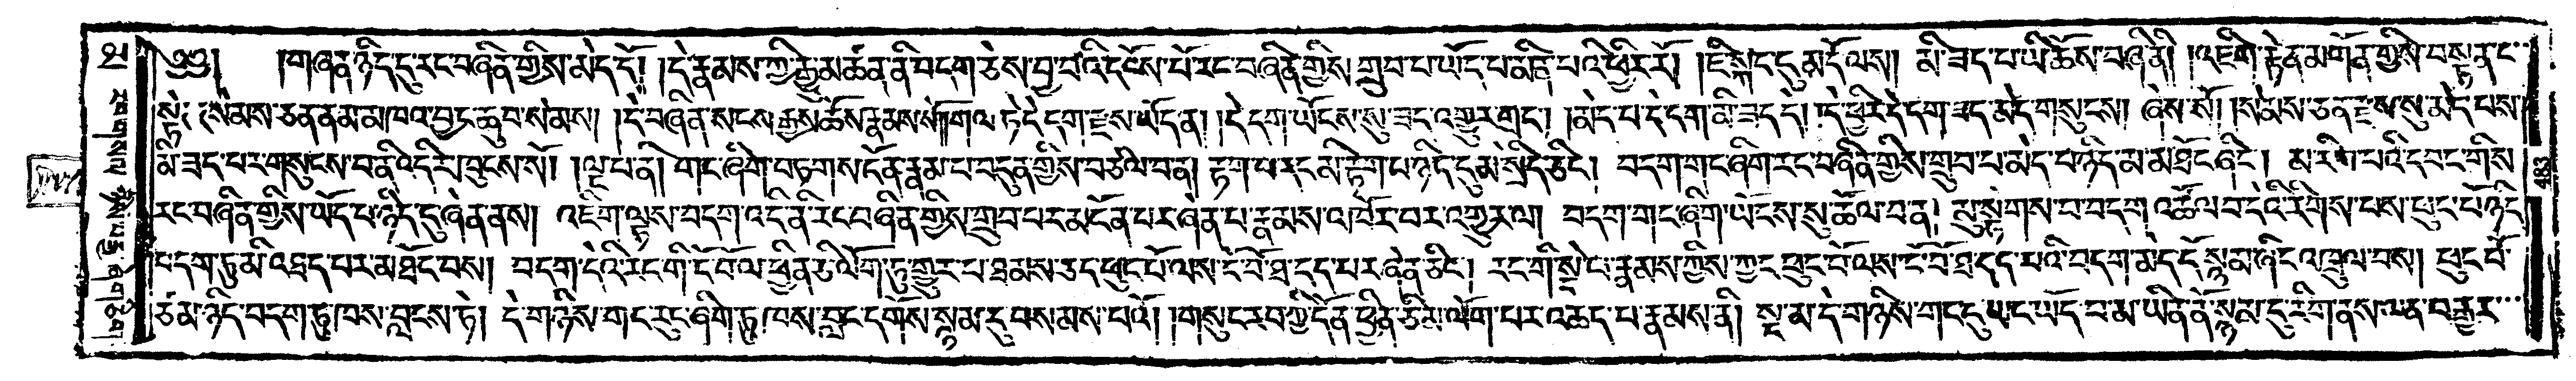༄༅། །གཞན་ཉིད་དུ་རང་བཞིན་གྱིས་མེད་དོ། །དེ་རྣམས་ཀྱི་རྒྱུ་མཚན་ནི་བདག་ཅེས་བྱ་བའི་དངོས་པོ་རང་བཞིན་གྱིས་གྲུབ་པ་ཡོད་པ་མིན་པའི་ཕྱིར་རོ། །ཇི་སྐད་དུ་མདོ་ལས། མི་ཟད་པ་ཡི་ཆོས་བཞི་ནི། །འཇིག་རྟེན་མགོན་གྱིས་བསྟན་པ་
སྟེ༑ ༑སེམས་ཅན་ནམ་མཁའ་བྱང་ཆུབ་སེམས། །དེ་བཞིན་སངས་རྒྱས་ཆོས་རྣམས་སོ། །གལ་ཏེ་དེ་དག་རྫས་ཡོད་ན། །དེ་དག་ཡོངས་སུ་ཟད་འགྱུར་གྲང་། །མེད་པ་དེ་དག་མི་ཟད་དེ། །དེ་ཕྱིར་དེ་དག་ཟད་མེད་གསུངས། ཞེས་སོ། །སེམས་ཅན་རྫས་སུ་མེད་པས་
མི་ཟད་པར་གསུངས་པ་ནི་འདིར་ཁུངས་སོ། །ལྔ་པ་ནི། གང་ཞིག་བཏགས་དོན་རྣམ་པ་བདུན་གྱིས་བཙལ་བ་ན། རྟག་པ་དང་མི་རྟག་པ་ཉིད་དུ་མི་སྲིད་ཅིང་། བདག་གང་ཞིག་རང་བཞིན་གྱིས་གྲུབ་པ་མེད་པ་ཉིད་མ་མཐོང་ཞིང་། མ་རིག་པའི་དབང་གིས་
རང་བཞིན་གྱིས་ཡོད་པ་ཉིད་དུ་ཞེན་ནས། འཇིག་ལྟས་བདག་འདི་ནི་རང་བཞིན་གྱིས་གྲུབ་པར་མངོན་པར་ཞེན་པ་རྣམས་འཁོར་བར་འགྱུར་ལ། བདག་གང་ཞིག་ཡོངས་སུ་ཚོལ་བ་ན། མུ་སྟེགས་པ་བདག་འཚོལ་བ་དེའི་རིགས་པས་ཕུང་པོ་ཉིད་
བདག་ཏུ་མི་འཐད་པར་མཐོང་བས། བདག་དེའི་རང་གི་ངོ་བོ་ལ་ཕྱིན་ཅི་ལོག་ཏུ་གྱུར་པ་ཐམས་ཅད་ཕུང་པོ་ལས་ངོ་བོ་ཐ་དད་པར་ཞེན་ཅིང་། རང་གི་སྡེ་པ་རྣམས་ཀྱིས་ཀྱང་ཕུང་པོ་ལས་ངོ་བོ་ཐ་དད་པའི་བདག་མེད་དོ་སྙམ་ཞིང་འཁྲུལ་བས། ཕུང་པོ་
ཙམ་ཉིད་བདག་ཏུ་ཁས་བླངས་ཏེ། དེ་གཉིས་གང་རུང་ཞིག་ཏུ་ཁས་བླང་དགོས་སྙམ་དུ་བསམས་པའོ། །གསུང་རབ་ཀྱི་དོན་ཕྱིན་ཅི་མ་ལོག་པར་འཆད་པ་རྣམས་ནི། སྔ་མ་དེ་གཉིས་གང་དུ་ཡང་ཡོད་པ་མ་ཡིན་ནོ་སྙམ་དུ་རིག་ནས་ལན་བརྒྱར་